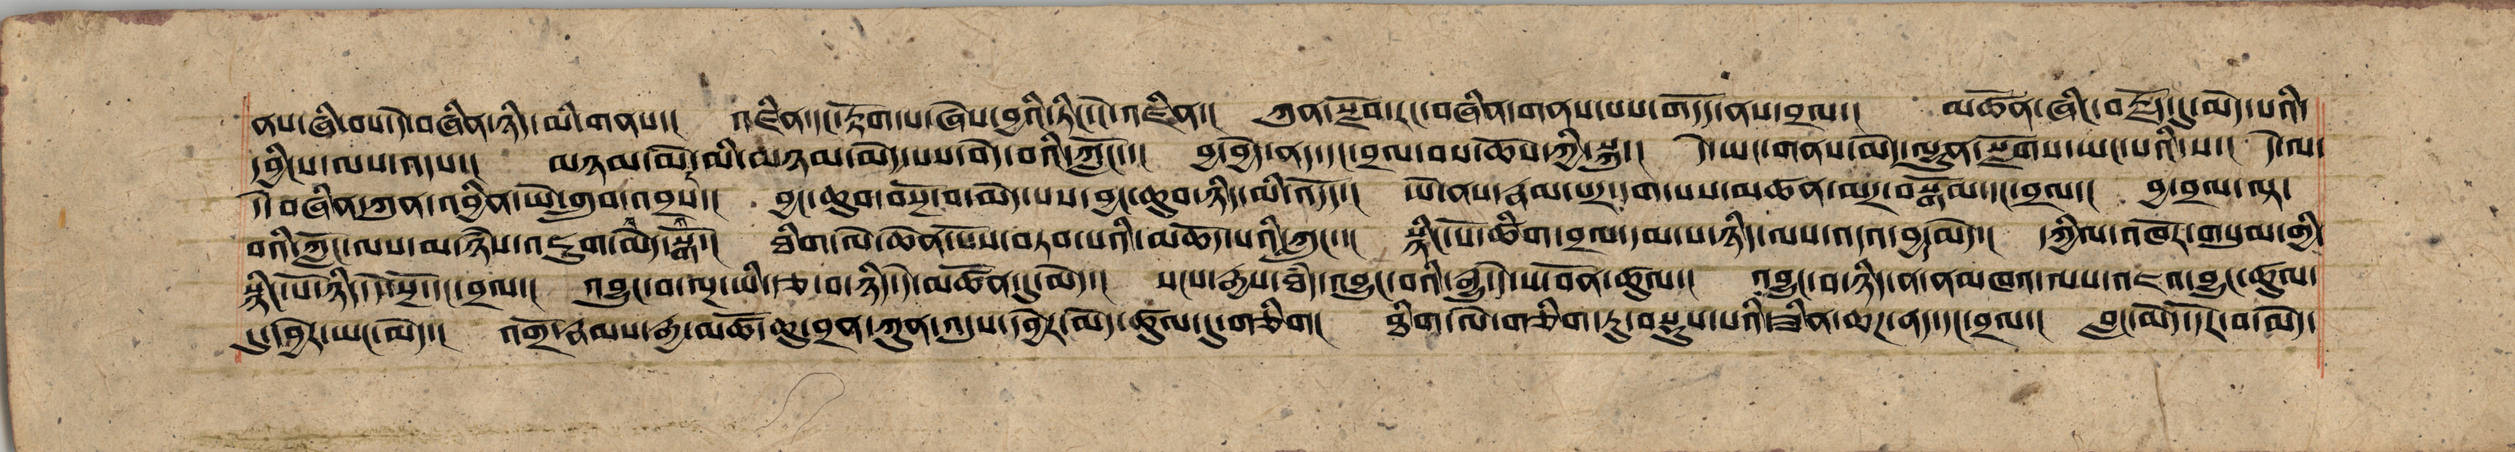ནས་ཞི་བས་དེ་བཞིན་ཉིད་མི་གནས་། འཛིན་དང་རྟོག་པ་ཞེས་བྱའི་ཏིང་ངེ་འཛིན་། ཀུན་སྫོབ་རང་བཞིན་གནས་པས་གདོད་ནས་བྲལ་། མཚོན་ཞིང་བརྗོད་དུ་མེད་པའི་
དབྱིངས་ལས་འདས་། མཉམ་མེད་མི་མཉམ་མེད་པས་བདེ་བའི་ཀློང་་། བྱ་བྱེད་ནད་དང་བྲལ་བས་ཆོས་ཀྱི་སྐུ་། དེ་ཡང་གནས་མེད་ལྷུན་སྫོགས་ཡང་པའི་ས་། དེ་ལ་
དེ་བཞིན་ཀུན་འབྱིན་ཡེ་གྲུབ་འབྲས་། བྱང་ཆུབ་བསྔོ་བ་མེད་པས་བྱང་ཆུབ་ཉིད་མི་འདོད་། ཡེ་ནས་རྣམ་པར་དག་པས་མཚན་མར་བསྒོམ་དང་བྲལ་། བྱ་བྲལ་ལྟ་
བའི་ཀློང་ལས་མ་ཉཾས་འཇུག་མེད་སྒོ་། ཐིག་ལེ་ཆེན་པོས་བཏབ་པའི་མཆོད་པའི་ཀླུང་་། སྙིང་པོ་ཚིག་བྲལ་དམ་པ་ཉིད་ལས་འདས་བྱ་མེད་། དཀྱིལ་འཁོར་གསུམ་གྱི་
སྙིང་པོ་ཉིད་དེ་སྔོ་དང་བྲལ་། འབྱུང་བ་ལྔ་ཡི་རྩ་བ་ཉིད་དེ་མཚོན་དུ་མེད་། སངས་རྒྱས་ཐཾད་འབྱུང་བའི་སྒྱུ་དེ་ས་བོན་ཚུལ་། འབྱུང་བ་ཉིད་ན་ནམཁའ་ལས་འཇའ་བྱུང་ཚུལ་
དུ་དབྱེར་ཡང་མེད་། འགྲོ་རྣམས་རྒྱ་མཚོ་ཆུ་བྲན་ཀུན་འདུས་དབྱེར་མེད་ཚུལ་དུ་གཅིག། ཐིག་ལེ་གཅིག་ཏུ་བསྡུས་པའི་ཟིན་ཆཌ་ནད་དང་བྲལ་། བླང་མེད་དོར་བ་མེད་